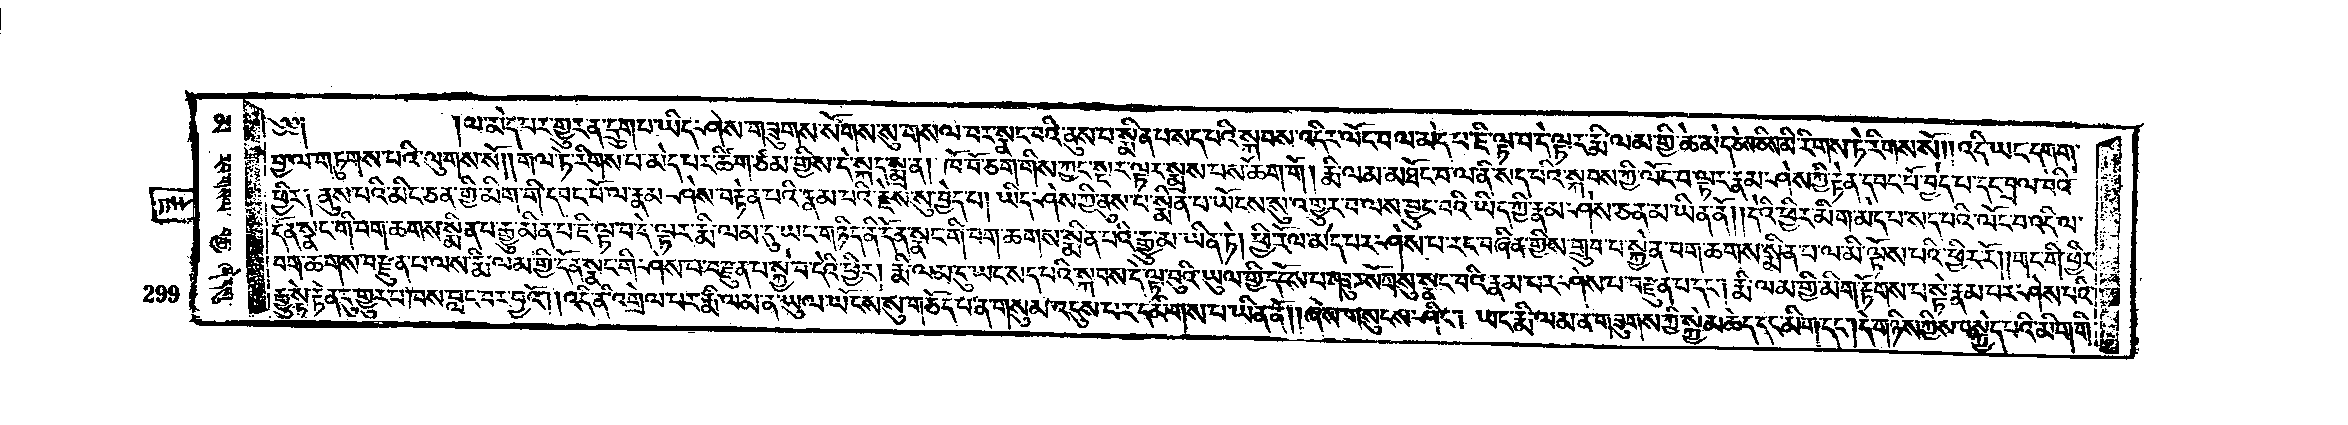༄༅། །ལ་མེད་པར་གྱུར་ན་དྲུག་པ་ཡིད་ཤེས་གཟུགས་སོགས་སུ་གསལ་བར་སྣང་བའི་ནུས་པ་སྨིན་པ་སད་པའི་སྐབས་འདིར་ལོང་བ་ལ་མེད་པ་ཇི་ལྟ་བ་དེ་ལྟར་རྨི་ལམ་གྱི་ཚེ་མེད་ཅེས་ཅིས་མི་རིགས་ཏེ་རིགས་སོ། །འདི་ཡང་དགག་
བྱ་ལ་གཏུགས་པའི་ལུགས་སོ། །གལ་ཏེ་རིགས་པ་མེད་པར་ཚིག་ཙམ་གྱིས་དེ་སྐད་སྨྲ་ན། ཁོ་བོ་ཅག་གིས་ཀྱང་སྔར་ལྟར་སྨྲས་པས་ཆོག་གོ །རྨི་ལམ་མཐོང་བ་ལ་ནི་སད་པའི་སྐབས་ཀྱི་ལོང་བ་ལྟར་རྣམ་ཤེས་ཀྱི་རྟེན་དབང་པོ་བྱེད་པ་དང་བྲལ་བའི་
ཕྱིར། ནུས་པའི་མིང་ཅན་གྱི་མིག་གི་དབང་པོ་ལ་རྣམ་ཤེས་བརྟེན་པའི་རྣམ་པའི་རྗེས་སུ་བྱེད་པ། ཡིད་ཤེས་ཀྱི་ནུས་པ་སྨིན་པ་ཡོངས་སུ་འགྱུར་བ་ལས་བྱུང་བའི་ཡིད་ཀྱི་རྣམ་ཤེས་ཅན་མ་ཡིན་ནོ། །དེའི་ཕྱིར་མིག་མེད་པ་སད་པའི་ལོང་བ་འདི་ལ་
དོན་སྣང་གི་བག་ཆགས་སྨིན་པ་རྒྱུ་མིན་པ་ཇི་ལྟ་བ་དེ་ལྟར་རྨི་ལམ་དུ་ཡང་གཉིད་ནི་དོན་སྣང་གི་བག་ཆགས་སྨིན་པའི་རྒྱུ་མ་ཡིན་ཏེ། ཕྱི་རོལ་མེད་པར་ཤེས་པ་རང་བཞིན་གྱིས་གྲུབ་པ་སྐྱེ་ན་བག་ཆགས་སྨིན་པ་ལ་མི་ལྟོས་པའི་ཕྱིར་རོ། །གང་གི་ཕྱིར་
བག་ཆགས་བརྫུན་པ་ལས་རྨི་ལམ་གྱི་དོན་སྣང་གི་ཤེས་པ་བརྫུན་པ་སྐྱེ་བ་དེའི་ཕྱིར། རྨི་ལམ་དུ་ཡང་སད་པའི་སྐབས་དེ་ལྟ་བུའི་ཡུལ་གྱི་དངོས་པོ་གཟུགས་སོགས་སུ་སྣང་བའི་རྣམ་པར་ཤེས་པ་བརྫུན་པ་དང་། རྨི་ལམ་གྱི་མིག་རྟོགས་པ་སྟེ་རྣམ་པར་ཤེས་པའི་
རྒྱུ་སྟེ་རྟེན་དུ་གྱུར་པ་ཁས་བླང་བར་བྱའོ། །འདི་ནི་འགྲེལ་པར་རྨི་ལམ་ན་ཡུལ་ཡོངས་སུ་གཅོད་པ་ན་གསུམ་འདུས་པར་དམིགས་པ་ཡིན་ནོ། །ཞེས་གསུངས་ཤིང་། ཡང་རྨི་ལམ་ན་གཟུགས་ཀྱི་སྐྱེ་མཆེད་དང་མིག་དང་། དེ་གཉིས་ཀྱིས་བསྐྱེད་པའི་མིག་གི་